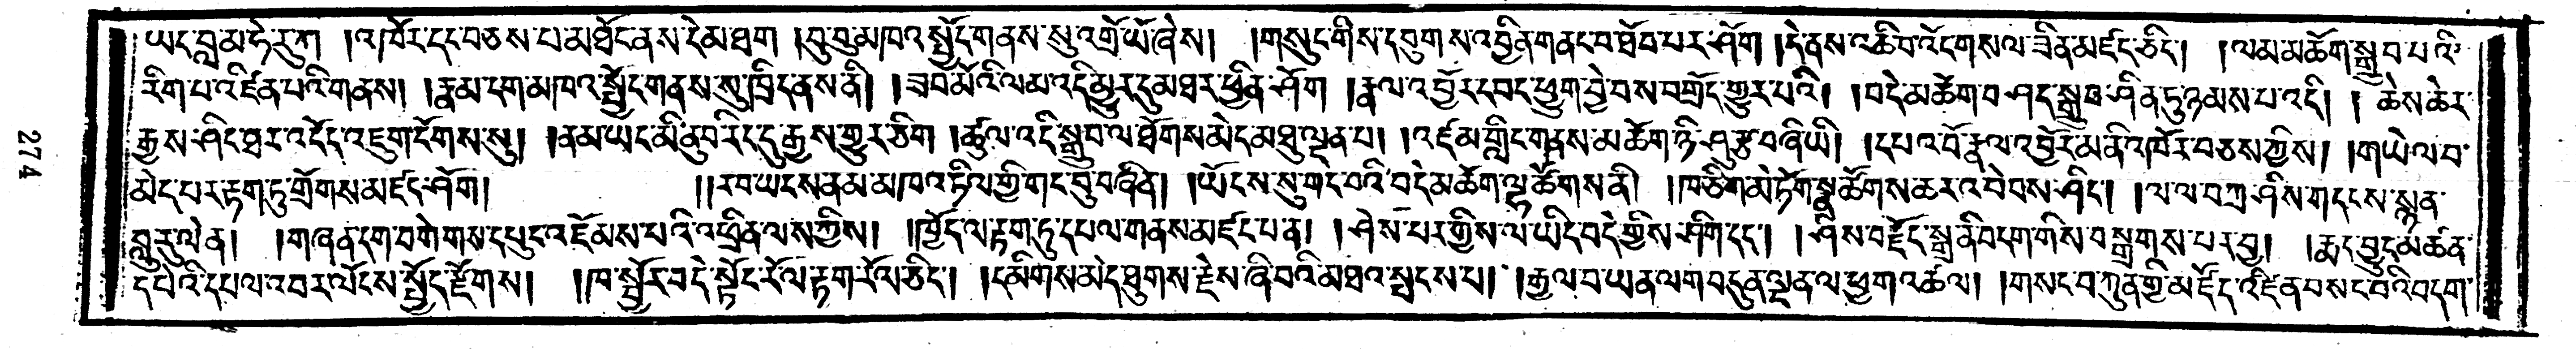ཡང་བླ་མ་ཧེ་རུ་ཀ །འཁོར་དང་བཅས་པ་མཐོང་ནས་དེ་མ་ཐག །བུ་བུ་མཁའ་སྤྱོད་གནས་སུ་འགྲོ་ཡོ་ཞེས། །གསུང་གིས་དབུགས་འབྱིན་གནང་བ་ཐོབ་པར་ཤོག །དེ་ནས་འཆི་བ་འོད་གསལ་ཟིན་མཛད་ཅིང་། །ལམ་མཆོག་སྒྲུབ་པའི་
རིག་པ་འཛིན་པའི་གནས། །རྣམ་དག་མཁའ་སྤྱོད་གནས་སུ་ཁྲིད་ནས་ནི། །ཟབ་མོའི་ལམ་འདི་མྱུར་དུ་མཐར་ཕྱིན་ཤོག །རྣལ་འབྱོར་དབང་ཕྱུག་བྱེ་བས་བགྲོད་གྱུར་པའི། །བདེ་མཆོག་བཤད་སྒྲུབ་ཤིན་ཏུ་ཉམས་པ་འདི། །ཆེས་ཆེར་
རྒྱས་ཤིང་ཐར་འདོད་འཇུག་དོགས་སུ། །ནམ་ཡང་མི་ནུབ་རིང་དུ་རྒྱས་གྱུར་ཅིག །ཚུལ་འདི་སྒྲུབ་ལ་ཐོགས་མེད་མཐུ་ལྡན་པ། །འཛམ་གླིང་གནས་མཆོག་ཉི་ཤུ་རྩ་བཞི་ཡི། །དཔའ་བོ་རྣལ་འབྱོར་མ་ནི་འཁོར་བཅས་ཀྱིས། །གཡེལ་བ་
མེད་པར་རྟག་ཏུ་གྲོགས་མཛད་ཤོག། །།རབ་ཡངས་ནམ་མཁའ་ཏིལ་གྱི་གང་བུ་བཞིན། །ཡོངས་སུ་གང་བའི་བདེ་མཆོག་ལྷ་ཚོགས་ནི། །ཁ་ཅིག་མེ་ཏོག་སྣ་ཚོགས་ཆར་འབེབས་ཤིང་། །ལ་ལ་བཀྲ་ཤིས་གདངས་སྙན་
བླུ་རུ་ལེན། །གཞན་དག་བགེགས་དཔུང་འཇོམས་པའི་འཕྲིན་ལས་ཀྱིས། །ཁྱོད་ལ་རྟག་ཏུ་དཔལ་གནས་མཛད་པ་ན། །ཤེས་པར་གྱིས་ལ་ཡིད་བདེ་གྱིས་ཤིག་དང་། །ཤིས་བརྗོད་སྒྲ་ནི་བདག་གིས་བསྒྲགས་པར་བྱ། །རྨད་བྱུང་མཚན་
དཔེའི་དཔལ་འབར་ལོངས་སྤྱོད་རྫོགས། །ཁ་སྦྱོར་བདེ་སྟོང་རོ་ལ་རྟག་རོལ་ཅིང་། །དམིགས་མེད་ཐུགས་རྗེས་ཞི་བའི་མཐའ་སྤངས་པ། །རྒྱལ་བ་ཡན་ལག་བདུན་ལྡན་ལ་ཕྱག་འཚལ། །གསང་བ་ཀུན་གྱི་མཛོད་འཛིན་བསང་བའི་བདག་